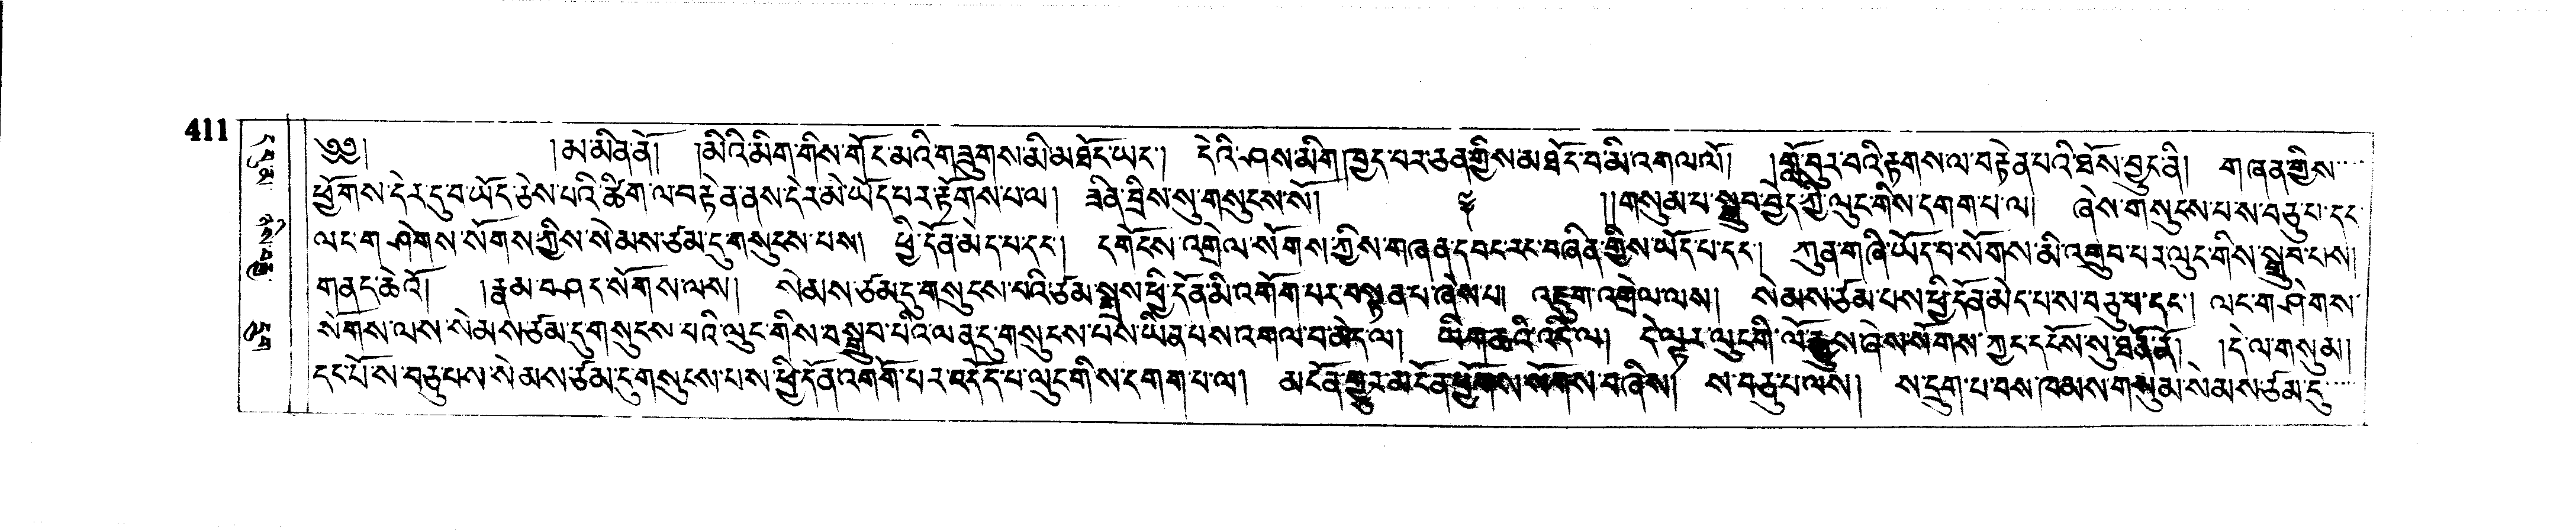༄༅། །མ་མིན་ནོ། །མིའི་མིག་གིས་གོང་མའི་གཟུགས་མི་མཐོང་ཡང་། དེའི་ཤས་མིག་ཁྱད་པར་ཅན་གྱིས་མཐོང་བ་མི་འགལ་ལོ། །གློ་བུར་བའི་རྟགས་ལ་བརྟེན་པའི་ཐོས་བྱུང་ནི། གཞན་གྱིས་
ཕྱོགས་དེར་དུ་བ་ཡོད་ཅེས་པའི་ཚིག་ལ་བརྟེན་ནས་དེར་མི་ཡོད་པར་རྟོགས་པ་ལ། ཟིན་བྲིས་སུ་གསུངས་སོ། ༈ །།གསུམ་པ་སྒྲུབ་བྱེད་ཀྱི་ལུང་གིས་དགག་པ་ལ། ཞེས་གསུངས་པ་ས་བཅུ་པ་དང་
ལང་གཤེགས་སོགས་ཀྱིས་སེམས་ཙམ་དུ་གསུངས་པས། ཕྱི་དོན་མེད་པ་དང་། དགོངས་འགྲེལ་སོགས་ཀྱིས་གཞན་དབང་རང་བཞིན་གྱིས་ཡོད་པ་དང་། ཀུན་གཞི་ཡོད་པ་སོགས་མི་འགྲུབ་པར་ལུང་གིས་སྒྲུབ་པས།
གནད་ཆེའོ། །རྣམ་བཤད་སོགས་ལས། སེམས་ཙམ་དུ་གསུངས་པའི་ཙམ་སྒྲས་ཕྱི་དོན་མི་འགོག་པར་བསྟན་པ་ཞེས་པ། འཇུག་འགྲེལ་ལས། སེམས་ཙམ་པས་ཕྱི་དོན་མེད་པ་ས་བཅུ་པ་དང་། ལང་གཤེགས་
སོགས་ལས་སེམས་ཙམ་དུ་གསུངས་པའི་ལུང་གིས་བསྒྲུབ་པའི་ལན་དུ་གསུངས་པས་ཡིན་པས་འགལ་བ་མེད་ལ། ཡིག་ཆའི་འདི་ལ། དེ་ལྟར་ལུང་གི་ལོ་རྒྱུས་ཞེས་སོགས་ཀྱང་དངོས་སུ་ཐོན་ནོ། །དེ་ལ་གསུམ།
དང་པོ་ས་བཅུ་པས་སེམས་ཙམ་དུ་གསུངས་པས་ཕྱི་དོན་འགོག་པར་འདོད་པ་ལུང་གིས་དགག་པ་ལ། མངོན་གྱུར་མངོན་ཕྱོགས་སོགས་བཞིས། ས་བཅུ་པ་ལས། ས་དྲུག་པ་བས་ཁམས་གསུམ་སེམས་ཙམ་དུ་